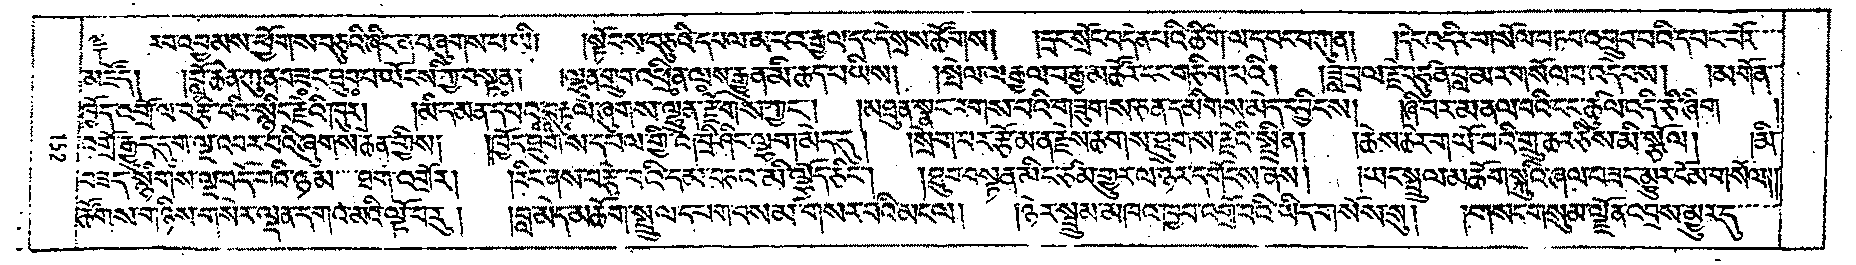༈ རབ་འབྱམས་ཕྱོགས་བཅུའི་ཞིང་ན་བཞུགས་པ་ཡི། །སྟོབས་བཅུའི་དཔལ་མངའ་རྒྱལ་དང་དེ་སྲས་ཚོགས། །དྲང་སྲོང་བདེན་པའི་ཚིག་ལ་དབང་བ་ཀུན། །དེང་འདིར་གསོལ་བཏབ་འགྲུབ་པའི་དབང་པོར་
མཛོད། །བློ་ཆེན་ཀུན་བཟང་ཐུབ་པ་ཡོངས་ཀྱི་བསྟན། །ལྷུན་གྲུབ་འཕྲིན་ལས་རྒྱུན་མི་ཆད་པ་ཡིས། །སྤེལ་ལ་རྒྱལ་བ་རྒྱ་མཚོར་ངང་གཅིག་པའི། །ཟླ་བྲལ་རྗེ་བཙུན་བླ་མར་གསོལ་བ་འདེབས། །མགོན་
ཁྱོད་འགྲོ་ལ་བརྩི་བའི་སྙིང་རྗེའི་ཁུར། །མི་དམན་དཔའ་བའི་བརྟུལ་ཞུགས་ལྷུན་རྫོགས་ཀྱང་། །མཐུན་སྣང་རགས་པའི་གཟུགས་ཅན་དམིགས་མེད་དབྱིངས། །ཞི་བར་མནལ་བའི་ངང་ཚུལ་འདི་ཅི་ཞིག །
འགྲོ་རྒྱུད་དུག་ལྔ་འབར་བའི་ཞུགས་ཆེན་གྱིས། །ཁྱོད་ཐུགས་དཔལ་ཡྒྱི་འཁྲི་ཤིང་ལྷག་མེད་དུ། །སྲེག་པར་རྩོམ་ན་རྗེས་ཆགས་ཐུགས་རྗེའི་སྤྲིན། །ཆེས་ཆེར་གཡོ་བའི་གྲུ་ཆར་ཅིས་མི་སྩོལ། །མི་
བཟད་སྙིགས་ལྔ་བདོ་བའི་ཉམ་ཐག་འགྲོར། །རིང་ནས་བརྩེ་བའི་དམ་བཅའ་མི་ལྷོད་ཅིང་། །ཐུབ་བསྟན་མིང་ཙམ་གྱུར་ལ་ཉེར་དགོངས་ནས། །ཡང་སྤྲུལ་མཆོག་སྐུའི་ཞལ་བཟང་མྱུར་ངོམ་གསོལ། །
ཚོགས་གཉིས་གསེར་ལྡན་དགའ་མའི་ལྟོ་བ་རུ། །བླ་མེད་མཆོག་སྤྲུལ་དཔག་བསམ་གསར་པའི་མངལ། །ཉེར་སྦྲུམ་མཁའ་ཁྱབ་འགྲོ་བའི་ཡིད་གསོས་སུ། །གསང་གསུམ་ལྗོན་འབྲས་མྱུར་དུ་